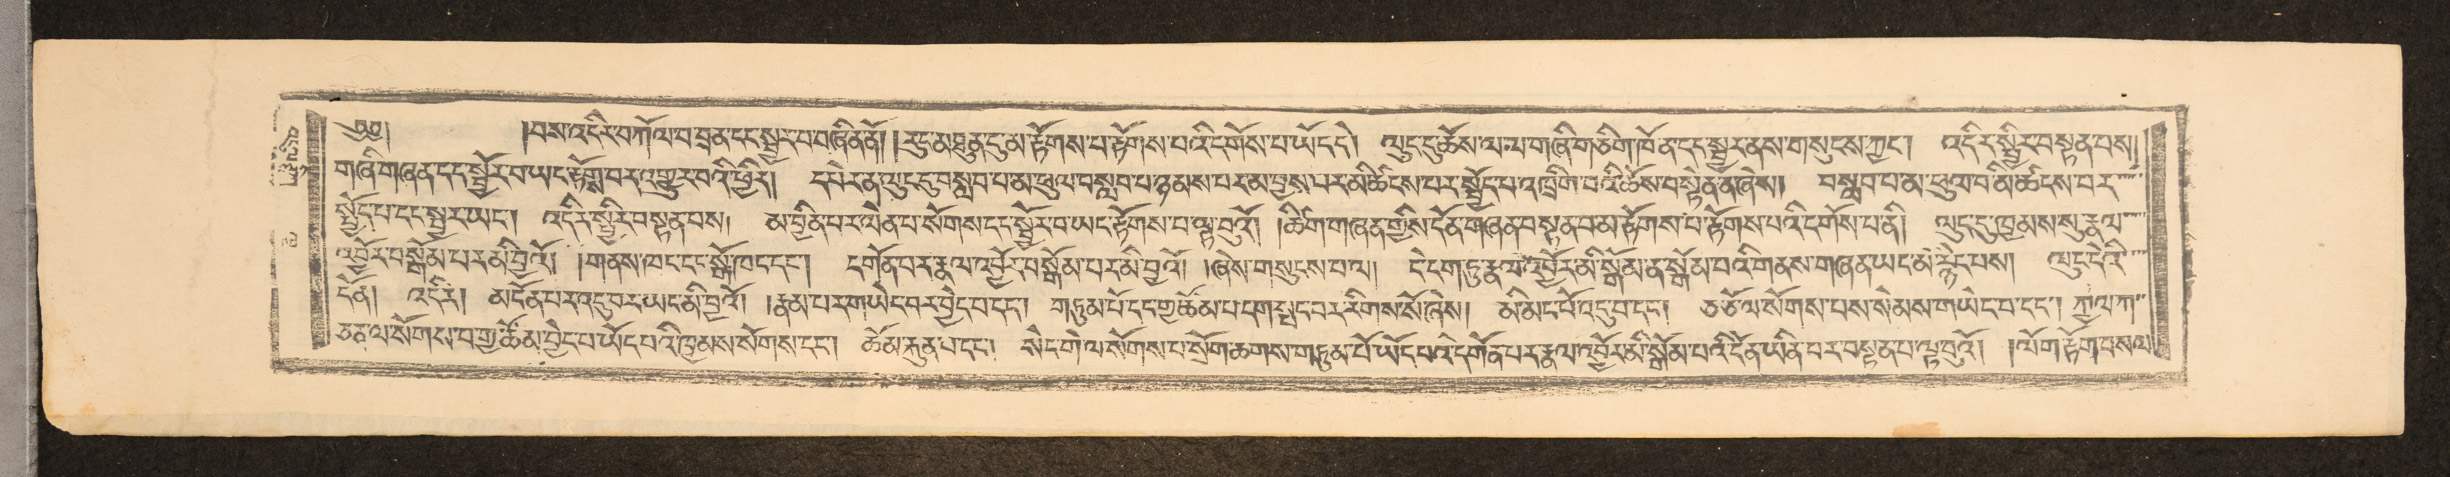༄༅། །བས་འདིར་བཀོལ་བ་བྲན་དང་སྦྱར་བ་བཞིན་ནོ། །རུང་མཐུན་དུ་མ་རྟོགས་པ་རྟོགས་པའི་དགོས་པ་ཡོད་དེ། ལུང་དུ་ཆོས་ལ་ལ་གཞི་གཅིག་ཁོ་ན་དང་སྦྱར་ནས་གསུངས་ཀྱང་། འདིར་སྦྱིར་བསྟན་པས།
གཞི་གཞན་དང་སྦྱོར་བ་ཡང་རྟོགས་པར་འགྱུར་བའི་ཕྱིར། དཔེར་ན་ལུང་དུ་བསླབ་པ་མ་ཕུལ་བསླབ་པ་ཉམས་པར་མ་བྱས་པར་མི་ཚངས་པར་སྤྱོད་པ་འཁྲིག་པའི་ཆོས་བསྟེན་ན་ཞེས། བསླབ་པ་མ་ཕུལ་བ་མི་ཚངས་པར་
སྤྱོད་པ་དང་སྦྱར་ཡང་། འདིར་སྦྱིར་བསྟན་པས། མ་བྱིན་པར་ལེན་པ་སོགས་དང་སྦྱོར་བ་ཡང་རྟོགས་པ་ལྟ་བུའོ། །ཚིག་གཞན་གྱིས་དོན་གཞན་བསྟན་པ་མ་རྟོགས་པ་རྟོགས་པའི་དགོས་པ་ནི། ལུང་དུ་ཁྱམས་སུ་རྣལ་
འབྱོར་བསྒོམ་པར་མི་བྱའོ། །གནས་ཁང་དང་སྒོ་ཁང་དང་། དགོན་པར་རྣལ་འབྱོར་བསྒོམ་པར་མི་བྱའོ། །ཞེས་གསུངས་པ་ལ། དེ་དག་ཏུ་རྣལ་འབྱོར་མི་སྒོམ་ན་སྒོམ་པའི་གནས་གཞན་ཡང་མི་རྙེད་པས། ལུང་དེའི་
དོན། འདིར༑ མངོན་པར་འདུ་བར་ཡང་མི་བྱའོ། །རྣམ་པར་གཡེང་བར་བྱེད་པ་དང་། གཏུམ་པོ་དང་གྱ་ཚོམ་པ་དག་སྤང་བར་རིགས་སོ་ཞེས། མི་མང་པོ་འདུ་བ་དང་། ཅ་ཅོ་ལ་སོགས་བས་སེམས་གཡེང་བ་དང་། ཀྱལ་ཀ་
ཅན་ལ་སོགས་པ་གྱ་ཚོམ་བྱེད་པ་ཡོད་པའི་ཁྱམས་སོགས་དང་། ཆོམ་རྐུན་བ་དང་། སེང་གེ་ལ་སོགས་པ་སྲོག་ཆགས་གཏུམ་པོ་ཡོད་པའི་དགོན་པར་རྣལ་འབྱོར་མི་སྒོམ་པའི་དོན་ཡིན་པར་བསྟན་པ་ལྟ་བུའོ། །ལོག་རོག་བསལ་